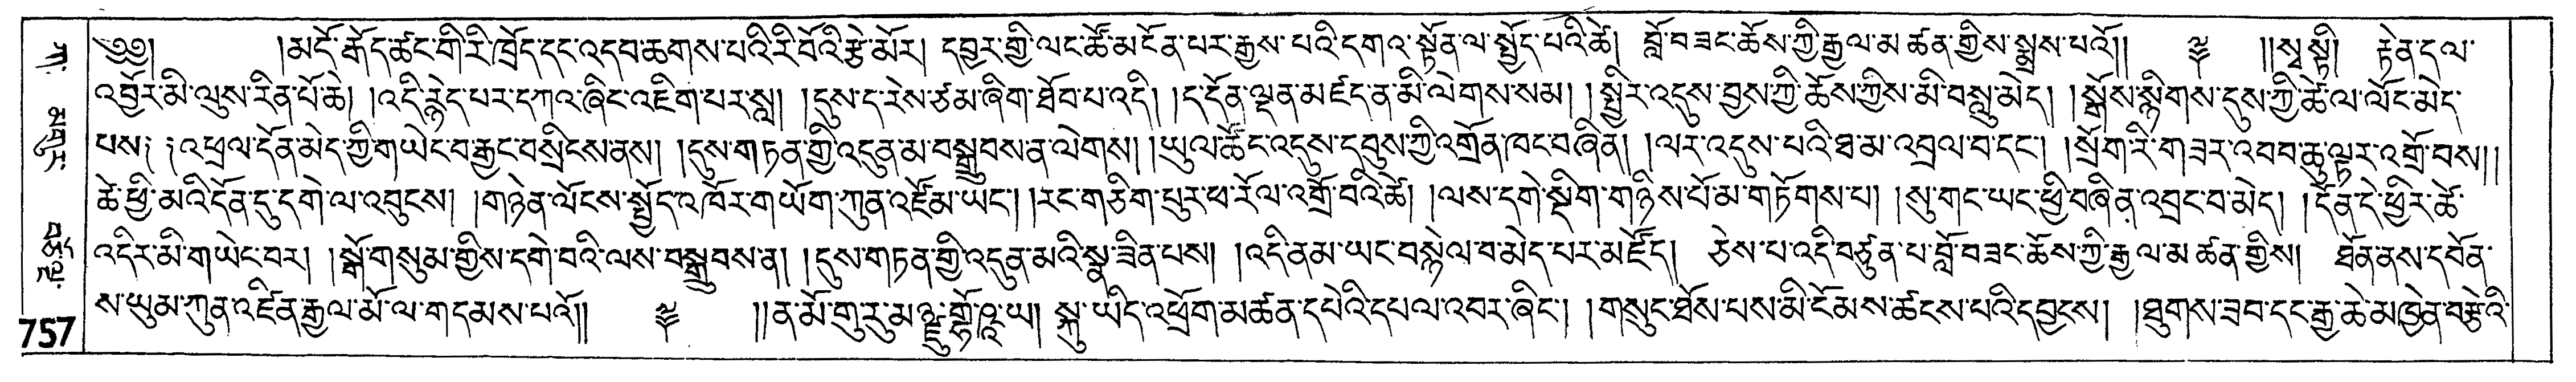༄༅། །མདོ་རྒོད་ཚང་གི་རི་ཁྲོད་དང་འདབ་ཆགས་པའི་རི་བོའི་རྩེ་མོར། དབྱར་གྱི་ལང་ཚོ་མངོན་པར་རྒྱས་པའི་དགའ་སྟོན་ལ་སྤྱོད་པའི་ཚེ། བློ་བཟང་ཆོས་ཀྱི་རྒྱལ་མཚན་གྱིས་སྨྲས་པའོ།། ༈ །།སྭ་སྟི། རྟེན་དལ་
འབྱོར་མི་ལུས་རིན་པོ་ཆེ། །འདི་རྙེད་པར་དཀའ་ཞིང་འཇིག་པར་སླ། །དུས་ད་རེས་ཙམ་ཞིག་ཐོབ་པ་འདི། །ད་དོན་ལྡན་མཛད་ན་མི་ལེགས་སམ། །སྤྱིར་འདུས་བྱས་ཀྱི་ཆོས་ཀྱིས་མི་བསླུ་མེད། །སྒོས་སྙིགས་དུས་ཀྱི་ཚེ་ལ་ལོང་མེད་
པས། །འཕྲལ་དོན་མེད་ཀྱི་གཡེང་བ་རྒྱང་བསྲིངས་ནས། །དུས་གཏན་གྱི་འདུན་མ་བསྒྲུབས་ན་ལེགས། །ཡུལ་ཚོང་འདུས་དབུས་ཀྱི་འགྲོན་ཁང་བཞིན། །ལར་འདུས་པའི་ཐ་མ་འབྲལ་བ་དང་། །སྲོག་རི་གཟར་འབབ་ཆུ་ལྟར་འགྲོ་བས། །
ཚེ་ཕྱི་མའི་དོན་དུ་དགེ་ལ་འབུངས། །གཉེན་ལོངས་སྤྱོད་འཁོར་གཡོག་ཀུན་འཛོམ་ཡང་། །རང་གཅིག་པུར་ཕ་རོལ་འགྲོ་བའི་ཚེ། །ལས་དགེ་སྡིག་གཉིས་པོ་མ་གཏོགས་པ། །སུ་གང་ཡང་ཕྱི་བཞིན་འབྲང་བ་མེད། །དོན་དེ་ཕྱིར་ཚེ་
འདིར་མི་གཡེང་བར། །སྒོ་གསུམ་གྱིས་དགེ་བའི་ལས་བསྒྲུབས་ན། །དུས་གཏན་གྱི་འདུན་མའི་སྣ་ཟིན་པས། །འདི་ནམ་ཡང་བསྙེལ་བ་མེད་པར་མཛོད། ཅེས་པ་འདི་བཙུན་པ་བློ་བཟང་ཆོས་ཀྱི་རྒྱལ་མཚན་གྱིས། ཐོན་ནས་དབོན་
ས་ཡུམ་ཀུན་འཛིན་རྒྱལ་མོ་ལ་གདམས་པའོ།། ༈ །།ན་མོ་གུ་རུ་མཉྫུ་གྷོ་ཥཱ་ཡ། སྐུ་ཡིད་འཕྲོག་མཚན་དཔེའི་དཔལ་འབར་ཞིང་། །གསུང་ཐོས་པས་མི་ངོམས་ཚངས་པའི་དབྱངས། །ཐུགས་ཟབ་དང་རྒྱ་ཆེ་ཆེ་མཁྱེན་བརྩེའི་